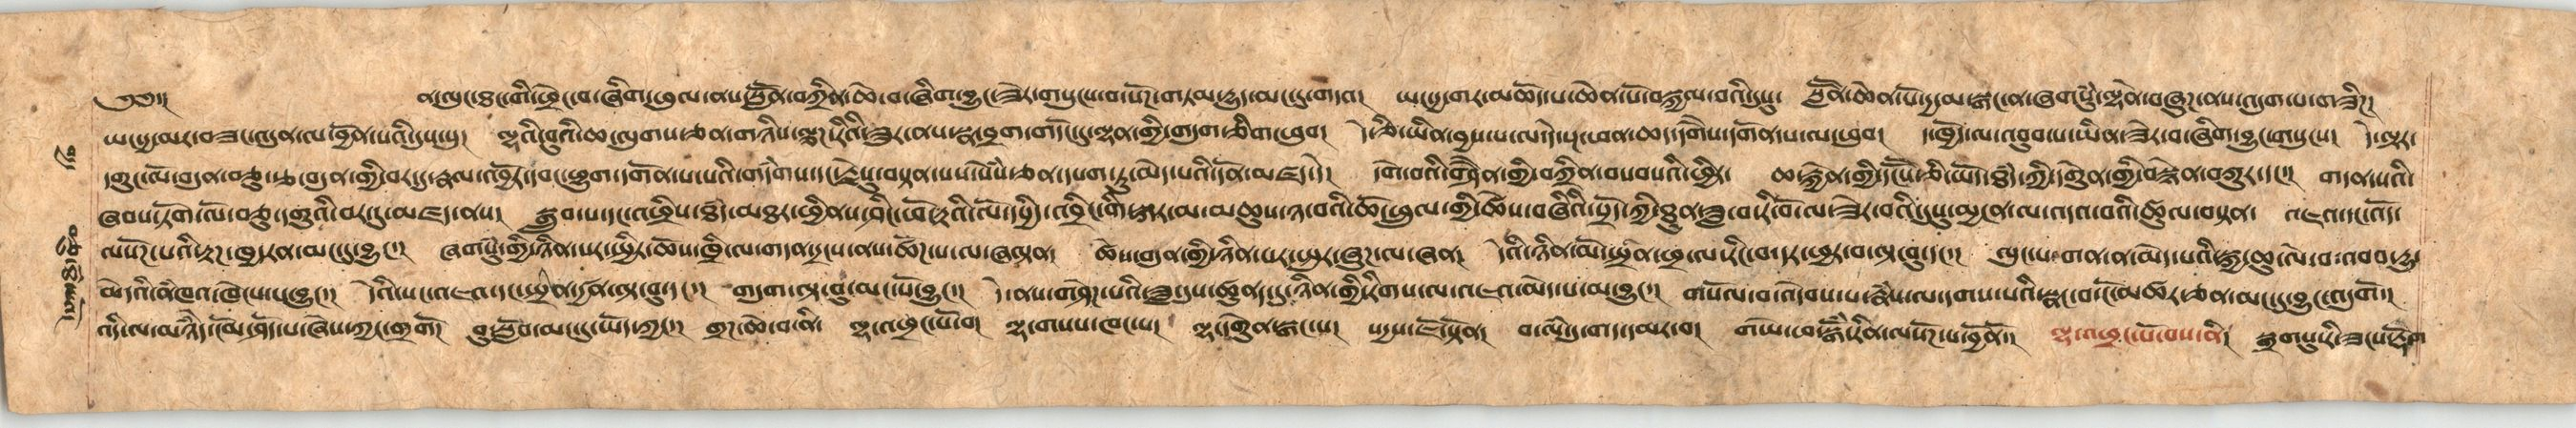ན་ལུང་ཐང་གི་ཕྲེང་བ་ཞིག་ཕུལ་ནས་སླཽན་བཀྲིན་ཆེ་བ་ཞིག་བྱུང་ཟེར་གསུངས་བ་སོཌ་པ་གཏམ་དྱུད་མང་དུ་གདབ། ཡང་དྱ་གར་མཆོད་པ་ཆེན་པོ་བསྐྱལ་བའི་དུསུ། སླཽན་ཆེན་པོ་དྱ་མ་སྒང་ན་ཞགསུཾ་ལྷན་བཞུཌ་ནས་འདུག་པ་གཟིཌ།
ཡང་དྱ་མར་བཟང་འདུན་ལ་བྱོན་པའི་དུས་སུ། ལྷའི་བུའི་ཆ་ལུགས་ཅན་གཉིས་ལྕཌ་རིའི་ཟུར་ནས་སྣ་བྲག་གདོང་དུ་ལྷན་གྱི་གདུག་ཅིག་ཕུབ། དེ་ཅི་ཡིན་བྱས་པ་ལ་དེ་སྔ་ཕན་ཆད་དགཻས་དགོན་པ་ལ་ཕུབ། ད་ཁྱོད་ལ་འབུབ་པ་ཡིན་ཟེར་བ་ཞིག་བྱུང་གསུངས། དེ་ལྟར་
དགུང་ལོ་བདུན་ཅུ་རྩ་བདུན་གྱི་བར་དུ་རྣལ་འབྱོར་གྱི་དབང་ཕྱུག་དགོན་པ་པའི་གདཾགས་དང་རྗེསུ་བསྟན་པས་སེཾས་ཅན་དཔག་ཏུ་མེད་པའི་དོན་མཛད་དེ། དགེ་བའི་བཤཻན་གྱི་བཀྲིན་བསབ་པའི་ཕྱིར། ཆ་རྐྱེན་གྱི་དངོསོ་ཅི་ཡོད་ཐཾད་ཀྱིས་དགེུན་གྱི་བསྙེན་བཀུར་དང་། གདན་སའི་
ཞབས་ཏོག་ལོ་བཅུ་དགུའི་བར་དུ་མཛད་ནས། སྒྲུབ་པ་དང་འཕྲིས་ཐཾད་མཐར་ཕྱིནས་ཤིང་ཕོ་རྟའི་ལོ་དཔྱིད་འབྲིང་སྐར་མ་མཆུས་ཉ་བའི་ཆོ་ཕྲུལ་གྱི་ཚེས་བཞིའི་སྲོད་ཀྱི་ཐུན་ཟླ་བ་རི་བོ་ལ་ཟེར་བའི་དུསུ་མྱ་ངན་ལ་འདའ་བའི་ཚུལ་བསྟན། འཇའ་དང་འོད་
ལསོཌ་པའི་རྟཌ་ཁྱདརན་མང་དུ་བྱུང་། ཞགསུཾ་གྱི་ཉིན་སར་སྤྱིར་ཆོས་ཁྲི་ལ་གདན་དྲངས་ནས་ཚོཌ་པ་ལ་ཞལྟན། ཚེས་བདུན་གྱི་ཉིན་པར་སྤུར་ཞུཌ་ལ་ཞན། དེའི་ཉིན་མོ་སྤྲིན་ཕྲ་ལ་རིང་བ་དར་ཕྱར་བ་ལྟ་བུ་དང་། ལུང་པ་གན་ན་མེད་པའི་སྐྱ་ཆུ་ལེ་བ་འབབ་དྱུ་
མེདའི་ནཾམཁའ་ཁེངས་པ་བྱུང་། དེའི་སང་འཇའ་དང་སྤྲིན་དྱཚན་ལྟ་བུ་དང་། གདུག་ལྟ་བུ་མང་པོ་བྱུང་། དེ་ནས་གཤེཌ་པའི་ཟླ་དུས་ཚུནད་དུ་ཉིན་གྱི་རིགས་ལ་འཇའ་མེད་པ་མ་བྱུང་། གསོལ་བ་འདེབས་པ་རྣཾས་ལ་དག་པའི་སྣང་བ་ངོ་མཚར་ཅན་མང་དུ་བྱུང་འདུགོ་།
འདི་ལ་མཉེཾད་ངོམ་ཤོད་པ་ཞེས་ཀྱང་གྲགོ། བུ་སློབ་མང་དུ་ཡོད་ཀྱང་། གྲཌ་ཆེ་བ་ནི། ལྷ་འཕྲང་པོ་བ། ལྷ་གསས་ཁང་པ།། ལྷ་དགེུན་སྒང་པ། སདྱས་ཇོ་སྟོན། བ་ལཾ་དུ་གད་དམར་བ། གཡོ་ཕ་སྒོཾ་རིན་ལསོཌ་པ་བྱོནོ་། ལྷ་འཕྲང་པོ་བས་ནི། སྒྲགསུ་རི་ཟངས་རྡོག